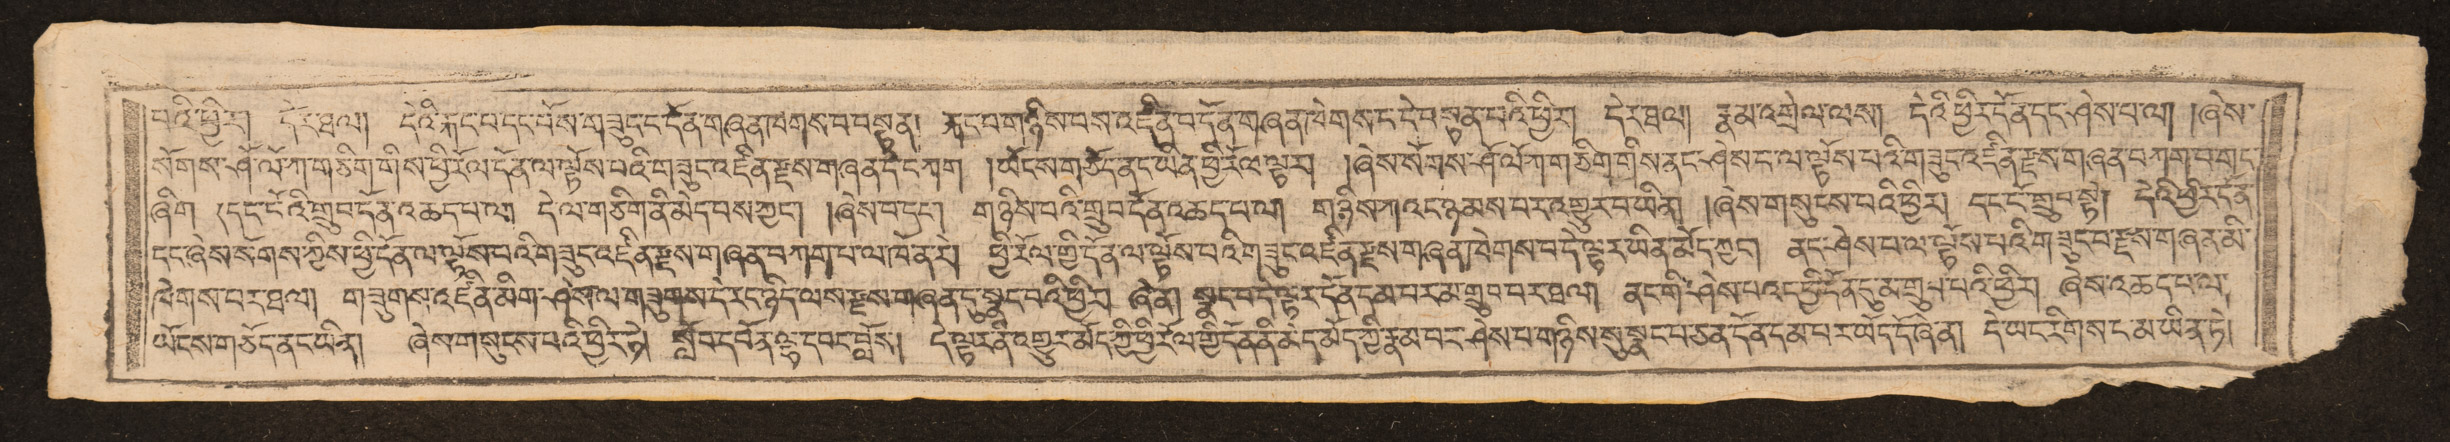བའི་ཕྱིར། དེར་ཐལ། དེའི་རྐང་པ་དང་པོས་གཟུང་བ་དོན་གཞན་ཁགས་པ་བསྟན། རྐང་པ་གཉིས་པས་འཛིན་པ་དོན་གཞན་ཁེགས་པ་དེ་བསྟན་པའི་ཕྱིར། དེར་ཐལ། རྣམ་འགྲེལ་ལས། དེའི་ཕྱིར་དོན་དང་ཤེས་པ་ལ། །ཞེས་
སོགས་ཤོ་ལོ་ཀ་གཅིག་གིས་ཕྱི་རོལ་དོན་ལ་ལྟོས་པའི་གཟུང་འཛིན་རྫས་གཞན་དེ་བཀག །ཡོངས་གཅོད་ནང་ཡིན་ཕྱི་རོལ་ལྟར། །ཞེས་སོགས་ཤོ་ལོ་ཀ་གཅིག་གིས་ནང་ཤེས་པ་ལ་ལྟོས་པའི་གཟུང་འཛིན་རྫས་གཞན་བཀག་པ་གང་
ཞིག ༑དང་པོའི་གྲུབ་དོན་འཆད་པ་ལ། དེ་ལ་གཅིག་ནི་མེད་པས་ཀྱང་། །ཞེས་པ་དང་། གཉིས་པའི་གྲུབ་དོན་འཆད་པ་ལ། གཉིས་ཀ་འང་ཉམས་པར་འགྱུར་བ་ཡིན། །ཞེས་གསུངས་པའི་ཕྱིར། དང་པོ་གྲུབ་སྟེ། དེའི་ཕྱིར་དོན་
དང་ཞེས་སོགས་ཀྱིས་ཕྱི་དོན་ལ་ལྟོས་པའི་གཟུང་འཛིན་རྫས་གཞན་བཀག་པ་ལ་ཁོ་ན་རེ། ཕྱི་རོལ་གྱི་དོན་ལ་ལྟོས་པའི་གཟུང་འཛིན་རྫས་གཞན་ཁེགས་པ་དེ་ལྟར་ཡིན་མདོ་ཀྱང་། ནང་ཤེས་པ་ལ་ལྟོས་པའི་གཟུང་བ་རྫས་གཞན་མི་
ཁེགས་པར་ཐལ། གཟུགས་འཛིན་མིག་ཤེས་ལ་གཟུགས་དེ་རང་ཉིད་ལས་རྫས་གཞན་དུ་སྣང་བའི་ཕྱིར། ཞེ་ན། སྣང་བ་དེ་ལྟར་དོན་དམ་པར་མ་གྲུབ་པར་ཐལ། ནང་གི་ཤེས་པའང་ཕྱི་དོན་དུ་མ་གྲུབ་པའི་ཕྱིར། ཞེས་འཆད་པ་ལ།
ཡོངས་གཅོད་ནང་ཡིན། ཞེས་གསུངས་པའི་ཕྱིར་ཏེ། སློབ་དཔོན་ལྷ་དབང་བློས། དེ་ལྟར་ནི་འགྱུར་མོད་ཀྱི་ཕྱི་རོལ་གྱི་དོན་ནི་མེད་མོད་ཀྱི་རྣམ་པར་ཤེས་པ་གཉིས་སུ་སྣང་པ་ཅན་དོན་དམ་པར་ཡོད་དོ་ཞེ་ན། དེ་ཡང་རིགས་པ་མ་ཡིན་ཏེ།